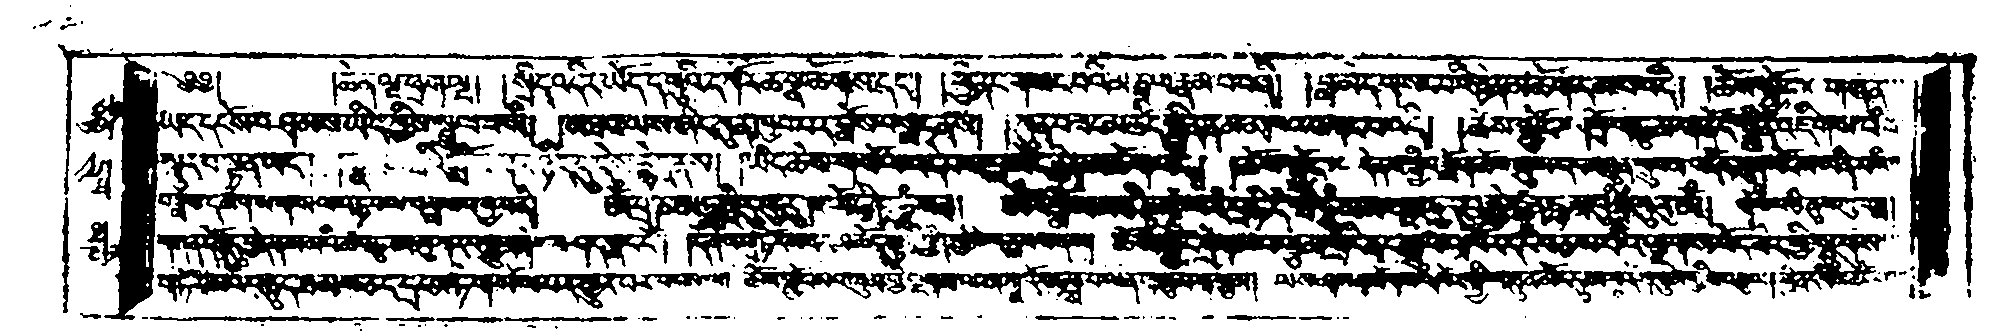༄༅། །ཆེན་ལྔ་ཕྲག་ལྔ། །སྲིད་འདིར་ཡོད་དགུའི་དཀོར་ཆ་སྣ་ཚོགས་དང་། །ཕྱི་ནང་གསང་བའི་མཎྚལ་རྣམ་པ་བཞི། །བླ་མེད་གསང་བའི་རྟེན་མཆོག་དམ་པ་འདི། །ཆོས་སྐྱོང྾་གཞན་
ཡང་དངོས་གཤམས་ཡིད་ཀྱིས་སྤྲུལ་པ་ཡི། །མཐའ་ཡས་ཞིང་ཀུན་ཁྱབ་པར་བློས་བསླང་ནས། །ཀུན་བཟང་མཆོད་སྤྲིན་ནམ་མཁའ་བཀང་བ་འདི། །ཆོས་སྐྱོང྾་ཁྲོ་གཏུམ་གནོད་སྦྱིན་འཇིགས་པའི་
སྐུར་བསྟན་ཡང་། །སྣང་མཐའི་ཟློས་གར་ཉིད་དུ་ངེས་རྙེད་ནས། །ཡིད་ཆེས་གསོལ་འདེབས་བླ་མེད་རྟེན་མཆོག་འདི། །ཆོས་སྐྱོང྾་དེ་ནས་སྤྱི་བཟློག་ཆོས་སྐུ་མ་དང་མཐུན་གྲུབ་མ་འདོན་ཐུན་མོང་མ་ཡིན་པའི་
བཟླས་དམིགས་གསལ་བཏབ་ལ་བཟླས་པ་བྱ་བ་ནི། ཨོཾ་པྲ་ཎ་ཨཏྨ་ཀྵི་རུ་ཕུ་རུ་ཥ་ལོ་ཧི་ཏ་ཧཱུཾ་ཕཊ། ཨོཾ་རཀྨོ་ཡ་མ་ཙི་ཏྟ་ཛྭ་ལ་རཾ་པྲ་ཏི་དེ་ཝི་ཧཱུཾ་མ་མ་ཨཱ་ཡུར་བུ་རཎྱེ་ཛྙཱ་ན་དྷརྨ་བུ་ཥྚིཾ་ཀུ་རུ་ཨོཾ། ཞེས་པ་ཅི་ནུས་སུ་བཟླ།
གཞན་དོན་དུ་བྱེད་ན་མ་མའི་ཚབ་ཏུ་ཨ་མུ་ཀར་བསྒྱུར་ཞེས་བཤད་སྣང་ངོ། །དེ་ནས་གཏོར་མ་ནང་མཆོད་ལྟར་བྱིན་གྱིས་བརླབས་ནས། ཆོས་སྐྱོང་དྲེགས་པ་ལྕམ་སྲིང་ནང་སྒྲུབ་འཁོར་དང་བཅས་པའི་ལྗགས་འོད་ཟེར་གྱི་སྦུ་གུས་
གཏོར་མའི་བཅུད་ཐམས་ཅད་དྲངས་ཏེ་གསོལ་བར་གྱུར་བར་བསམ་ལ། ཆོས་སྐྱོང་ཡབ་ཡུམ་གྱི་སྔགས་ལ་ཨ་ཀཱ་རོ་བཏགས་པ་ལན་གསུམ་གསུམ། ལས་མཁན་སོགས་འཁོར་སྤྱི་ལ་ཐུན་མོང་དུ་ཨ་ཀཱ་རོ་གསུམ་གྱིས་འབུལ། ཕྱི་ནང་གི་མཆོད་པ་